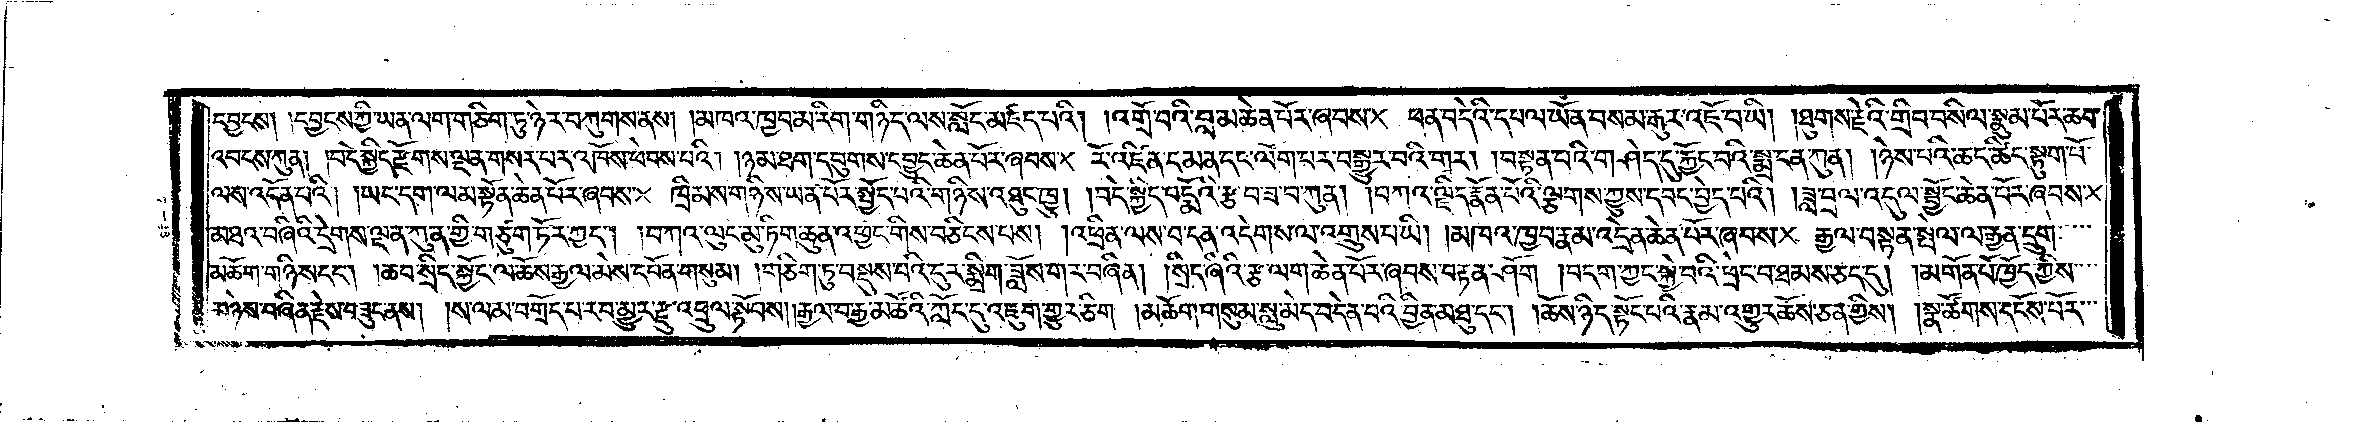དབྱངས། །དབྱངས་ཀྱི་ཡན་ལག་གཅིག་ཏུ་ཉེར་བཀུགས་ནས། །མཁའ་ཁྱབ་མ་རིག་གཉིད་ལས་སློང་མཛད་པའི། །འགྲོ་བའི་བླ་མ་ཆེན་པོར་ཞབས་྾་ཕན་བདེའི་དཔལ་ཡོན་བསམ་རྒུར་འཇོ་བ་ཡི། །ཐུགས་རྗེའི་གྲིབ་བསིལ་སྣུམ་པོར་ཆབ་
འབངས་ཀུན། །བདེ་སྐྱིད་རྫོགས་ལྡན་གསར་པར་འཁོས་ཕེབས་པའི། །ཉམ་ཐག་དབུགས་དབྱུང་ཆེན་པོར་ཞབས་྾་རོ་འཛིན་དམན་དང་ལོག་པར་བསྒྱུར་བའི་གར། །བསྟན་པའི་གཤེད་དུ་རྐྱོང་བའི་སྨྲ་ངན་ཀུན། །ཉེས་པའི་ཆང་ཚིད་སྟུག་པོ་
ལས་འདོན་པའི། །ཡང་དག་ལམ་སྟོན་ཆེན་པོར་ཞབས་྾་ཁྲིམས་གཉིས་ཡན་པོར་སྤྱོད་པའི་གཉིས་འཐུང་ཁྱུ། །བདེ་སྐྱིད་པདམོའི་རྩ་བ་ཟ་བ་ཀུན། །བཀའ་ལྗིད་རྣོན་པོའི་ལྕགས་ཀྱུས་དབང་བྱེད་པའི། །ཟླ་བྲལ་འདུལ་སྦྱོང་ཆེན་པོར་ཞབས་྾་
མཐའ་བཞིའི་དྲེགས་ལྡན་ཀུན་གྱི་གཙུག་ཏོར་ཀྱང་། །བཀའ་ལུང་མུ་ཏིག་ཆུན་འཕྱང་གིས་བཅིངས་པས། །འཕྲིན་ལས་བདན་འདེགས་ལ་འགྲུས་པ་ཡི། །མཁའ་ཁྱབ་རྣམ་འདྲེན་ཆེན་པོར་ཞབས་྾་རྒྱལ་བསྟན་སྤེལ་ལ་རྒྱན་དྲུག་
མཆོག་གཉིས་དང་། །ཆབ་སྲིད་སྐྱོང་ལ་ཆོས་རྒྱལ་མེས་དབོན་གསུམ། །གཅིག་ཏུ་བསྡུས་པའི་དུར་སྨྲིག་ཟློས་གར་བཞིན། །སྲིད་ཞིའི་རྩ་ལག་ཆེན་པོར་ཞབས་བརྟན་ཤོག །བདག་ཀྱང་སྐྱེ་བའི་ཕྲེང་བ་ཐམས་ཅད་དུ། །མགོན་པོ་ཁྱོད་ཀྱིས་
མཉེས་བཞིན་རྗེས་བཟུང་ནས། །ས་ལམ་བགྲོད་པ་རབ་མྱུར་རྫུ་འཕྲུལ་སྟོབས། །རྒྱལ་བ་རྒྱ་མཚོའི་ཀློང་དུ་འཇུག་གྱུར་ཅིག །མཆོག་གསུམ་སླུ་མེད་བདེན་པའི་བྱིན་མཐུ་དང་། །ཆོས་ཉིད་སྟོང་པའི་རྣམ་འགྱུར་ཆོས་ཅན་གྱིས། །སྣ་ཚོགས་དངོས་པོར་